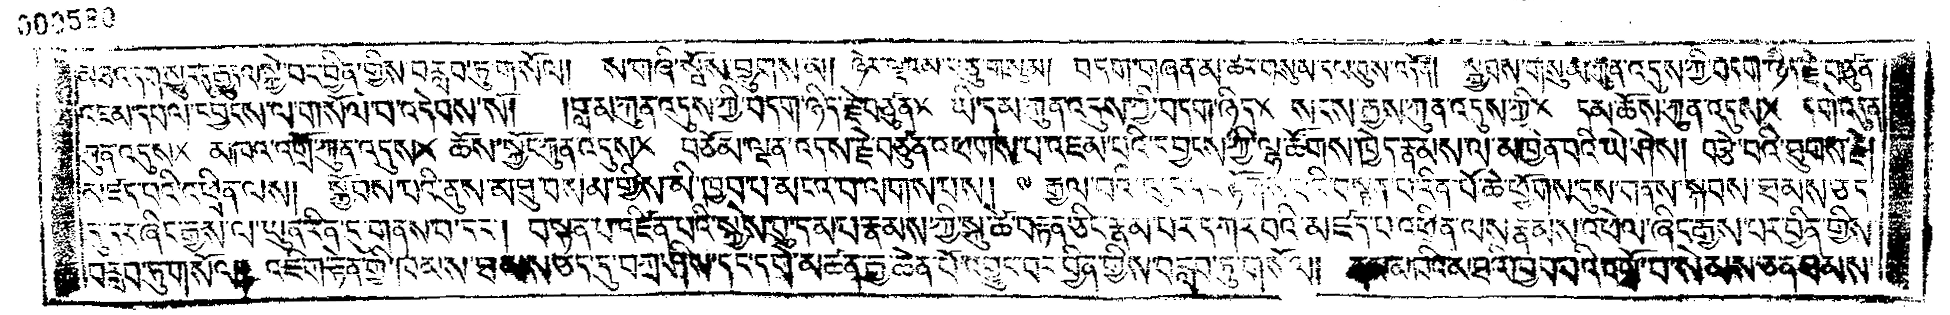མཐའ་དག་མྱུར་དུ་རྒྱུད་ལ་སྐྱེ་བར་བྱིན་གྱིས་བརླབ་ཏུ་གསོལ། ས་གཞི་སྤོས་བྱུགས་མ། ཉེར་ལྔའམ་བཅུ་གསུམ།  བདག་གཞན་མ་ཚང་གསུམ་དལ་བུས་འདོན།  སྐྱབས་གསུམ་ཀུན་འདུས་ཀྱི་བདག་ཉིད་རྗེ་བཙུན་
འཇམ་དཔལ་དབྱངས་ལ་གསོལ་བ་འདེབས་སོ། །བླ་མ་ཀུན་འདུས་ཀྱི་བདག་ཉིད་རྗེ་བཙུན྾་ཡི་དམ་ཀུན་འདུས་ཀྱི་བདག་ཉིད྾་སངས་རྒྱས་ཀུན་འདུས་ཀྱི྾་དམ་ཆོས་ཀུན་འདུས྾་དགེ་འདུན་
ཀུན་འདུས྾་མཁའ་འགྲོ་ཀུན་འདུས྾་ཆོས་སྐྱོང་ཀུན་འདུས྾་བཅོམ་ལྡན་འདས་རྗེ་བཙུན་འཕགས་པ་འཇམ་པའི་དབྱངས་ཀྱི་ལྷ་ཚོགས་ཁྱེད་རྣམས་ལ་མཁྱེན་པའི་ཡེ་ཤེས། བརྩེ་བའི་ཐུགས་རྗེ།
མཛད་པའི་འཕྲིན་ལས། སྐྱོབས་པའི་ནུས་མཐུ་བསམ་གྱིས་མི་ཁྱབ་པ་མངའ་བ་ལགས་པས། ༧རྒྱལ་བའི་ལུང་དང་རྟོགས་པའི་བསྟན་པ་རིན་པོ་ཆེ་ཕྱོགས་དུས་གནས་སྐབས་ཐམས་ཅད་
དུ་དར་ཞིང་རྒྱས་ལ་ཡུན་རིན་དུ་གནས་པ་དང་། བསྟན་པ་འཛིན་པའི་སྐྱེས་བུ་དམ་པ་རྣམས་ཀྱི་སྐུ་ཚེ་བརྟན་ཅིང་རྣམ་པར་དཀར་བའི་མཛད་པ་འཕྲིན་ལས་རྣམས་འཕེལ་ཞིང་རྒྱས་པར་བྱིན་གྱིས་
བརླབ་ཏུ་གསོལ། འཇིག་རྟེན་གྱི་ཁམས་ཐམས་ཅད་དུ་བཀྲ་ཤིས་དང་དགེ་མཚན་རྒྱ་ཆེན་པོ་འབྱུང་བར་བྱིན་གྱིས་བརླབ་ཏུ་གསོལ། ནམ་མཁའི་མཐའི་ཁྱབ་པའི་འགྲོ་བ་སེམས་ཅན་ཐམས་